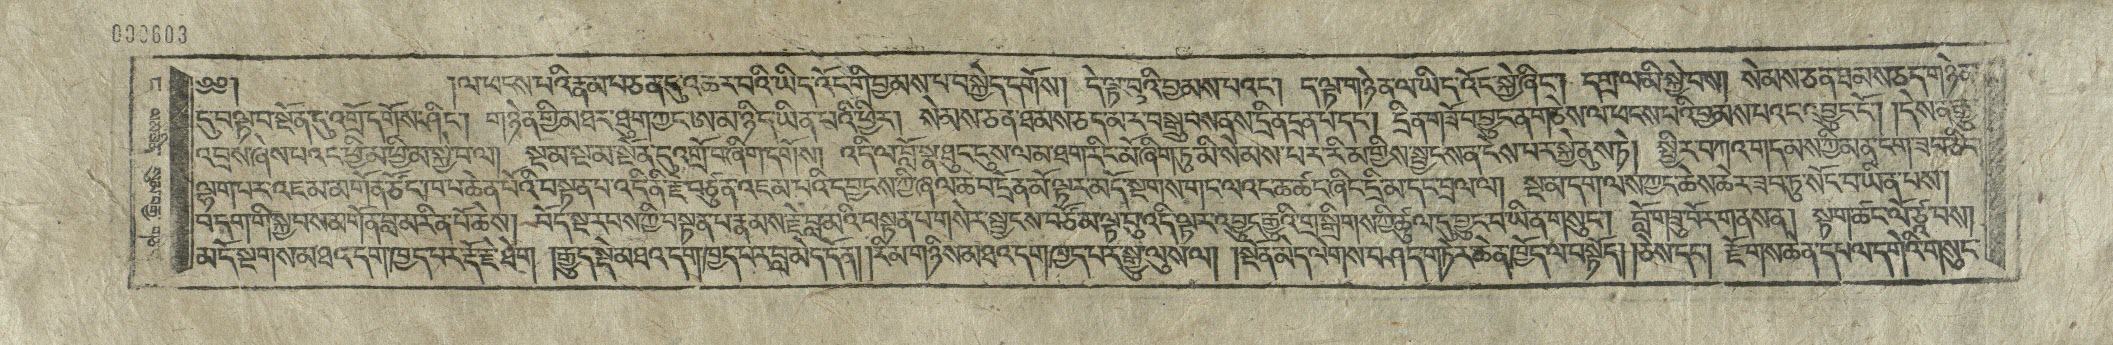༄༅། །ལ་ཕངས་པའི་རྣམ་པ་ཅན་དུ་འཆར་བའི་ཡིད་འོང་གི་བྱམས་པ་བསྐྱེད་དགོས། དེ་ལྟ་བུའི་བྱམས་པའང་། ད་ལྟ་གཉེན་ལ་ཡིད་འོང་སྐྱེ་ཞིང་། དགྲ་ལ་མི་སྐྱེ་བས། སེམས་ཅན་ཐམས་ཅད་གཉེན་
དུ་བལྟ་བ་སྔོན་དུ་འགྲོ་དགོས་ཤིང་། གཉེན་གྱི་མཐར་ཐུག་ཀྱང་ཨ་མ་ཉིད་ཡིན་པའི་ཕྱིར། སེམས་ཅན་ཐམས་ཅད་མར་བསྒྲུབས་ནས་དྲིན་དྲན་པ་དང་། དྲིན་གཟོ་བ་བྱུང་ན་གཅེས་ལ་ཕངས་པའི་བྱམས་པའང་འབྱུང་ངོ། །དེས་ན་རྒྱུ་
འབྲས་ཞེས་པའང་ཕྱི་མ་ཕྱི་མ་སྐྱེ་བ་ལ། སྔ་མ་སྔ་མ་སྔོན་དུ་འགྲོ་བ་ཞིག་དགོས། འདི་ལ་བློ་སྣ་ཐུང་ངུས་?་ལམ་ཐག་རིང་མོ་ཞིག་ཏུ་མི་སེམས་པར་རིམ་གྱིས་སྦྱངས་ན་ངེས་པར་སྐྱེ་ནུས་ཏེ། སྤྱིར་བཀའ་གདམས་ཀྱི་མན་ངག་ཟབ་ཅིང་།
ལྷག་པར་འཇམ་མགོན་ཙོང་ཁ་པ་ཆེན་པོའི་བསྟན་པ་འདི་ནི་རྗེ་བཙུན་འཇམ་པའི་དབྱངས་ཀྱི་ཞལ་ཆབ་དྲོན་མོ་ལྟར་མདོ་སྔགས་གང་ལའང་ཆ་ཚང་ཞིང་དྲི་མ་དང་བྲལ་ལ། སྔ་མ་དག་ལས་ཀྱང་ཆེས་ཆེར་ཟབ་ཏུ་སོང་བ་ཡིན་པས།
བདག་གི་སྐྱབས་མགོན་བླ་མ་རིན་པོ་ཆེས། བོད་སྔ་རབས་ཀྱི་བསྟན་པ་རྣམས་རྗེ་བླ་མའི་བསྟན་པ་གསེར་སྦྱངས་བཙོ་མ་ལྟ་བུ་འདི་ལྟར་འབྱུང་རྒྱུའི་གྲ་སྒྲིགས་ཀྱི་ཚུལ་དུ་བྱུང་བ་ཡིན་གསུང་། བློ་གཟུ་བོར་གནས་ན། སྟག་ཚང་ལོ་ཙཱ་བས།
མདོ་སྔགས་མཐའ་དག་ཁྱད་པར་རྡོ་རྗེ་ཐེག །རྒྱུད་སྡེ་མཐའ་དག་ཁྱད་པར་བླ་མེད་དོན། །རིམ་གཉིས་མཐའ་དག་ཁྱད་པར་སྒྱུ་ལུས་ལ། །སྔོན་མེད་ལེགས་བཤད་གཏེར་ཆེན་ཁྱོད་ལ་བསྟོད། །ཅེས་དང་། རྫོགས་ཆེན་དཔལ་དགེའི་གསུང་